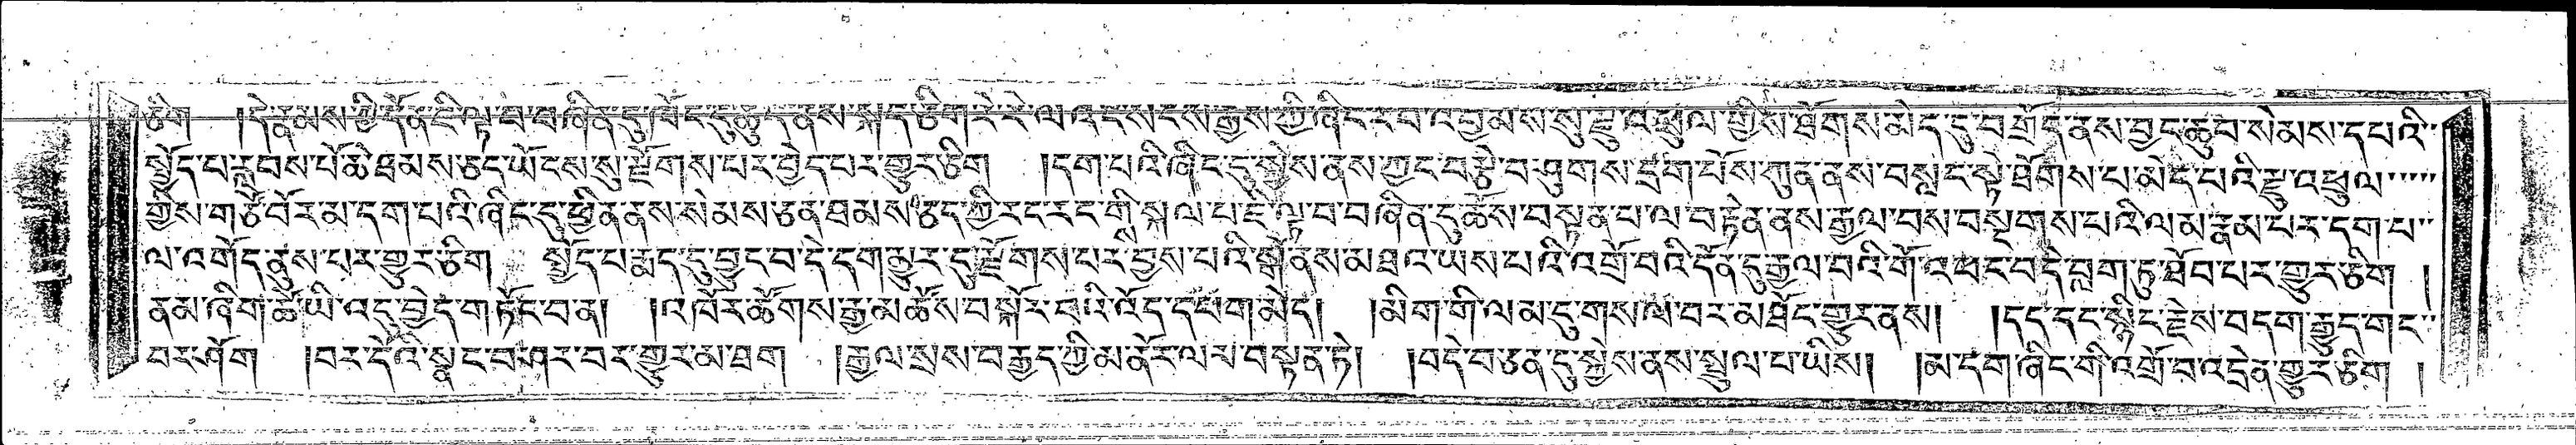ཅིག །དེ་རྣམས་ཀྱི་དོན་ཇི་ལྟ་བ་བཞིན་དུ་ཁོང་དུ་ཆུད་ནས་སྐད་ཅིག་རེ་རེ་ལའང་སངས་རྒྱས་ཀྱི་ཞིང་རབ་འབྱམས་སུ་རྫུ་འཕྲུལ་གྱིས་ཐོགས་མེད་དུ་བགྲོད་ནས་བྱང་ཆུབ་སེམས་དཔའི་
སྤྱོད་པ་རླབས་པོ་ཆེ་ཐམས་ཅད་ཡོངས་སུ་རྫོགས་པར་བྱེད་པར་གྱུར་ཅིག །དག་པའི་ཞིང་དུ་སྐྱེས་ནས་ཀྱང་བརྩེ་བ་ཤུགས་དྲག་པོས་ཀུན་ནས་བསླང་སྟེ་ཐོགས་པ་མེད་པའི་རྫུ་འཕྲུལ་
གྱིས་གཙོ་བོར་མ་དག་པའི་ཞིང་དུ་ཕྱིན་ནས་སེམས་ཅན་ཐམས་ཅད་ཀྱི་རང་རང་གིས་སྐལ་པ་ཇི་ལྟ་བ་བཞིན་དུ་ཆོས་བསྟན་པ་ལ་བརྟེན་ནས་རྒྱལ་བས་བསྔགས་པའི་ལམ་རྣམ་པར་དག་པ་
ལ་འགོད་ནུས་པར་གྱུར་ཅིག །སྤྱོད་པ་རྨད་དུ་བྱུང་བ་དེ་དག་མྱུར་དུ་རྫོགས་པར་བྱས་པའི་སྒོ་ནས་མཐའ་ཡས་པའི་འགྲོ་བའི་དོན་དུ་རྒྱལ་བའི་གོ་འཕང་བདེ་བླག་ཏུ་ཐོབ་པར་གྱུར་ཅིག །
ནམ་ཞིག་ཚེ་ཡི་འདུ་བྱེད་གཏོང་བ་ན། །འཁོར་ཚོགས་རྒྱ་མཚོས་བསྐོར་བའི་འོད་དཔག་མེད། །མིག་གི་ལམ་དུ་གསལ་བར་མཐོང་གྱུར་ནས། །དད་དང་སྙིང་རྗེས་བདག་རྒྱུད་གང་
བར་ཤོག །བར་དོའི་སྣང་བ་ཤར་བར་གྱུར་མ་ཐག །རྒྱལ་སྲས་བརྒྱད་ཀྱི་མ་ནོར་ལམ་བསྟན་ཏེ། །བདེ་བ་ཅན་དུ་སྐྱེས་ནས་སྤྲུལ་པ་ཡིས། །མ་དག་ཞིང་གི་འགྲོ་བ་འདྲེན་གྱུར་ཅིག །